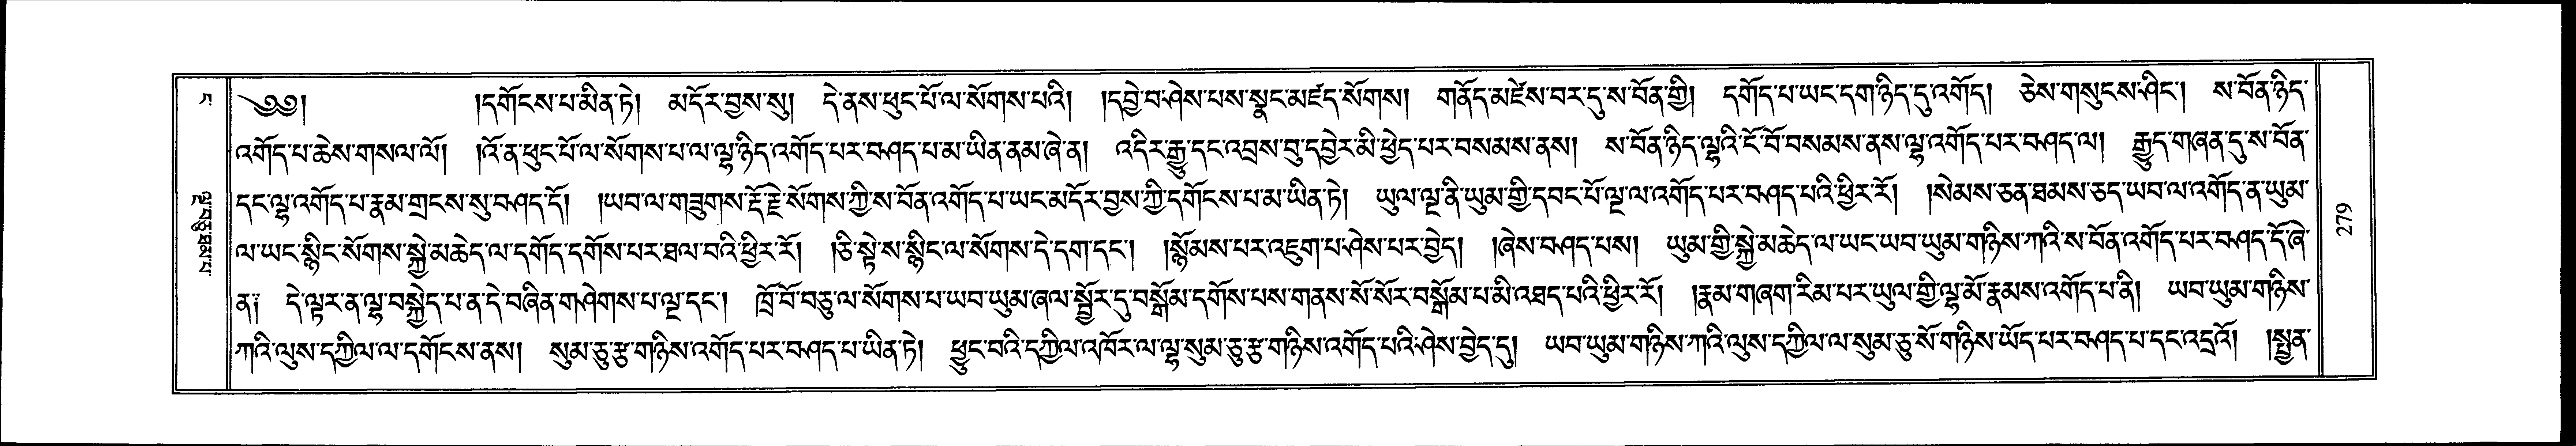༄༅། །དགོངས་པ་མིན་ཏེ། མདོར་བྱས་སུ། དེ་ནས་ཕུང་པོ་ལ་སོགས་པའི། །དབྱེ་བ་ཤེས་པས་སྣང་མཛད་སོགས། གནོད་མཛེས་བར་དུ་ས་བོན་གྱི། དགོད་པ་ཡང་དག་ཉིད་དུ་འགོད། ཅེས་གསུངས་ཤིང་། ས་བོན་ཉིད་
འགོད་པ་ཆེས་གསལ་ལོ། །འོ་ན་ཕུང་པོ་ལ་སོགས་པ་ལ་ལྷ་ཉིད་འགོད་པར་བཤད་པ་མ་ཡིན་ནམ་ཞེ་ན། འདིར་རྒྱུ་དང་འབྲས་བུ་དབྱེར་མི་ཕྱེད་པར་བསམས་ནས། ས་བོན་ཉིད་ལྷའི་ངོ་བོ་བསམས་ནས་ལྷ་འགོད་པར་བཤད་ལ། རྒྱུད་གཞན་དུ་ས་བོན་
དང་ལྷ་འགོད་པ་རྣམ་གྲངས་སུ་བཤད་དོ། །ཡབ་ལ་གཟུགས་རྡོ་རྗེ་སོགས་ཀྱི་ས་བོན་འགོད་པ་ཡང་མདོར་བྱས་ཀྱི་དགོངས་པ་མ་ཡིན་ཏེ། ཡུལ་ལྔ་ནི་ཡུམ་གྱི་དབང་པོ་ལྔ་ལ་འགོད་པར་བཤད་པའི་ཕྱིར་རོ། །སེམས་ཅན་ཐམས་ཅད་ཡབ་ལ་འགོད་ན་ཡུམ་
ལ་ཡང་སྙིང་སོགས་སྐྱེ་མཆེད་ལ་དགོད་དགོས་པར་ཐལ་བའི་ཕྱིར་རོ། །ཅི་སྟེ་ས་སྙིང་ལ་སོགས་དེ་དག་དང་། །སྙོམས་པར་འཇུག་པ་ཤེས་པར་བྱེད། །ཞེས་བཤད་པས། ཡུམ་གྱི་སྐྱེ་མཆེད་ལ་ཡང་ཡབ་ཡུམ་གཉིས་ཀའི་ས་བོན་འགོད་པར་བཤད་དོ་ཞེ་
ན། དེ་ལྟར་ན་ལྷ་བསྐྱེད་པ་ན་དེ་བཞིན་གཤེགས་པ་ལྔ་དང་། ཁྲོ་བོ་བཅུ་ལ་སོགས་པ་ཡབ་ཡུམ་ཞལ་སྦྱོར་དུ་བསྒོམ་དགོས་པས་གནས་སོ་སོར་བསྒོམ་པ་མི་འཐད་པའི་ཕྱིར་རོ། །རྣམ་གཞག་རིམ་པར་ཡུལ་གྱི་ལྷ་མོ་རྣམས་འགོད་པ་ནི། ཡབ་ཡུམ་གཉིས་
ཀའི་ལུས་དཀྱིལ་ལ་དགོངས་ནས། སུམ་ཅུ་རྩ་གཉིས་འགོད་པར་བཤད་པ་ཡིན་ཏེ། ཕྱུང་བའི་དཀྱིལ་འཁོར་ལ་ལྷ་སུམ་ཅུ་རྩ་གཉིས་འགོད་པའི་ཤེས་བྱེད་དུ། ཡབ་ཡུམ་གཉིས་ཀའི་ལུས་དཀྱིལ་ལ་སུམ་ཅུ་སོ་གཉིས་ཡོད་པར་བཤད་པ་དང་འདྲའོ། །སྤྱན་